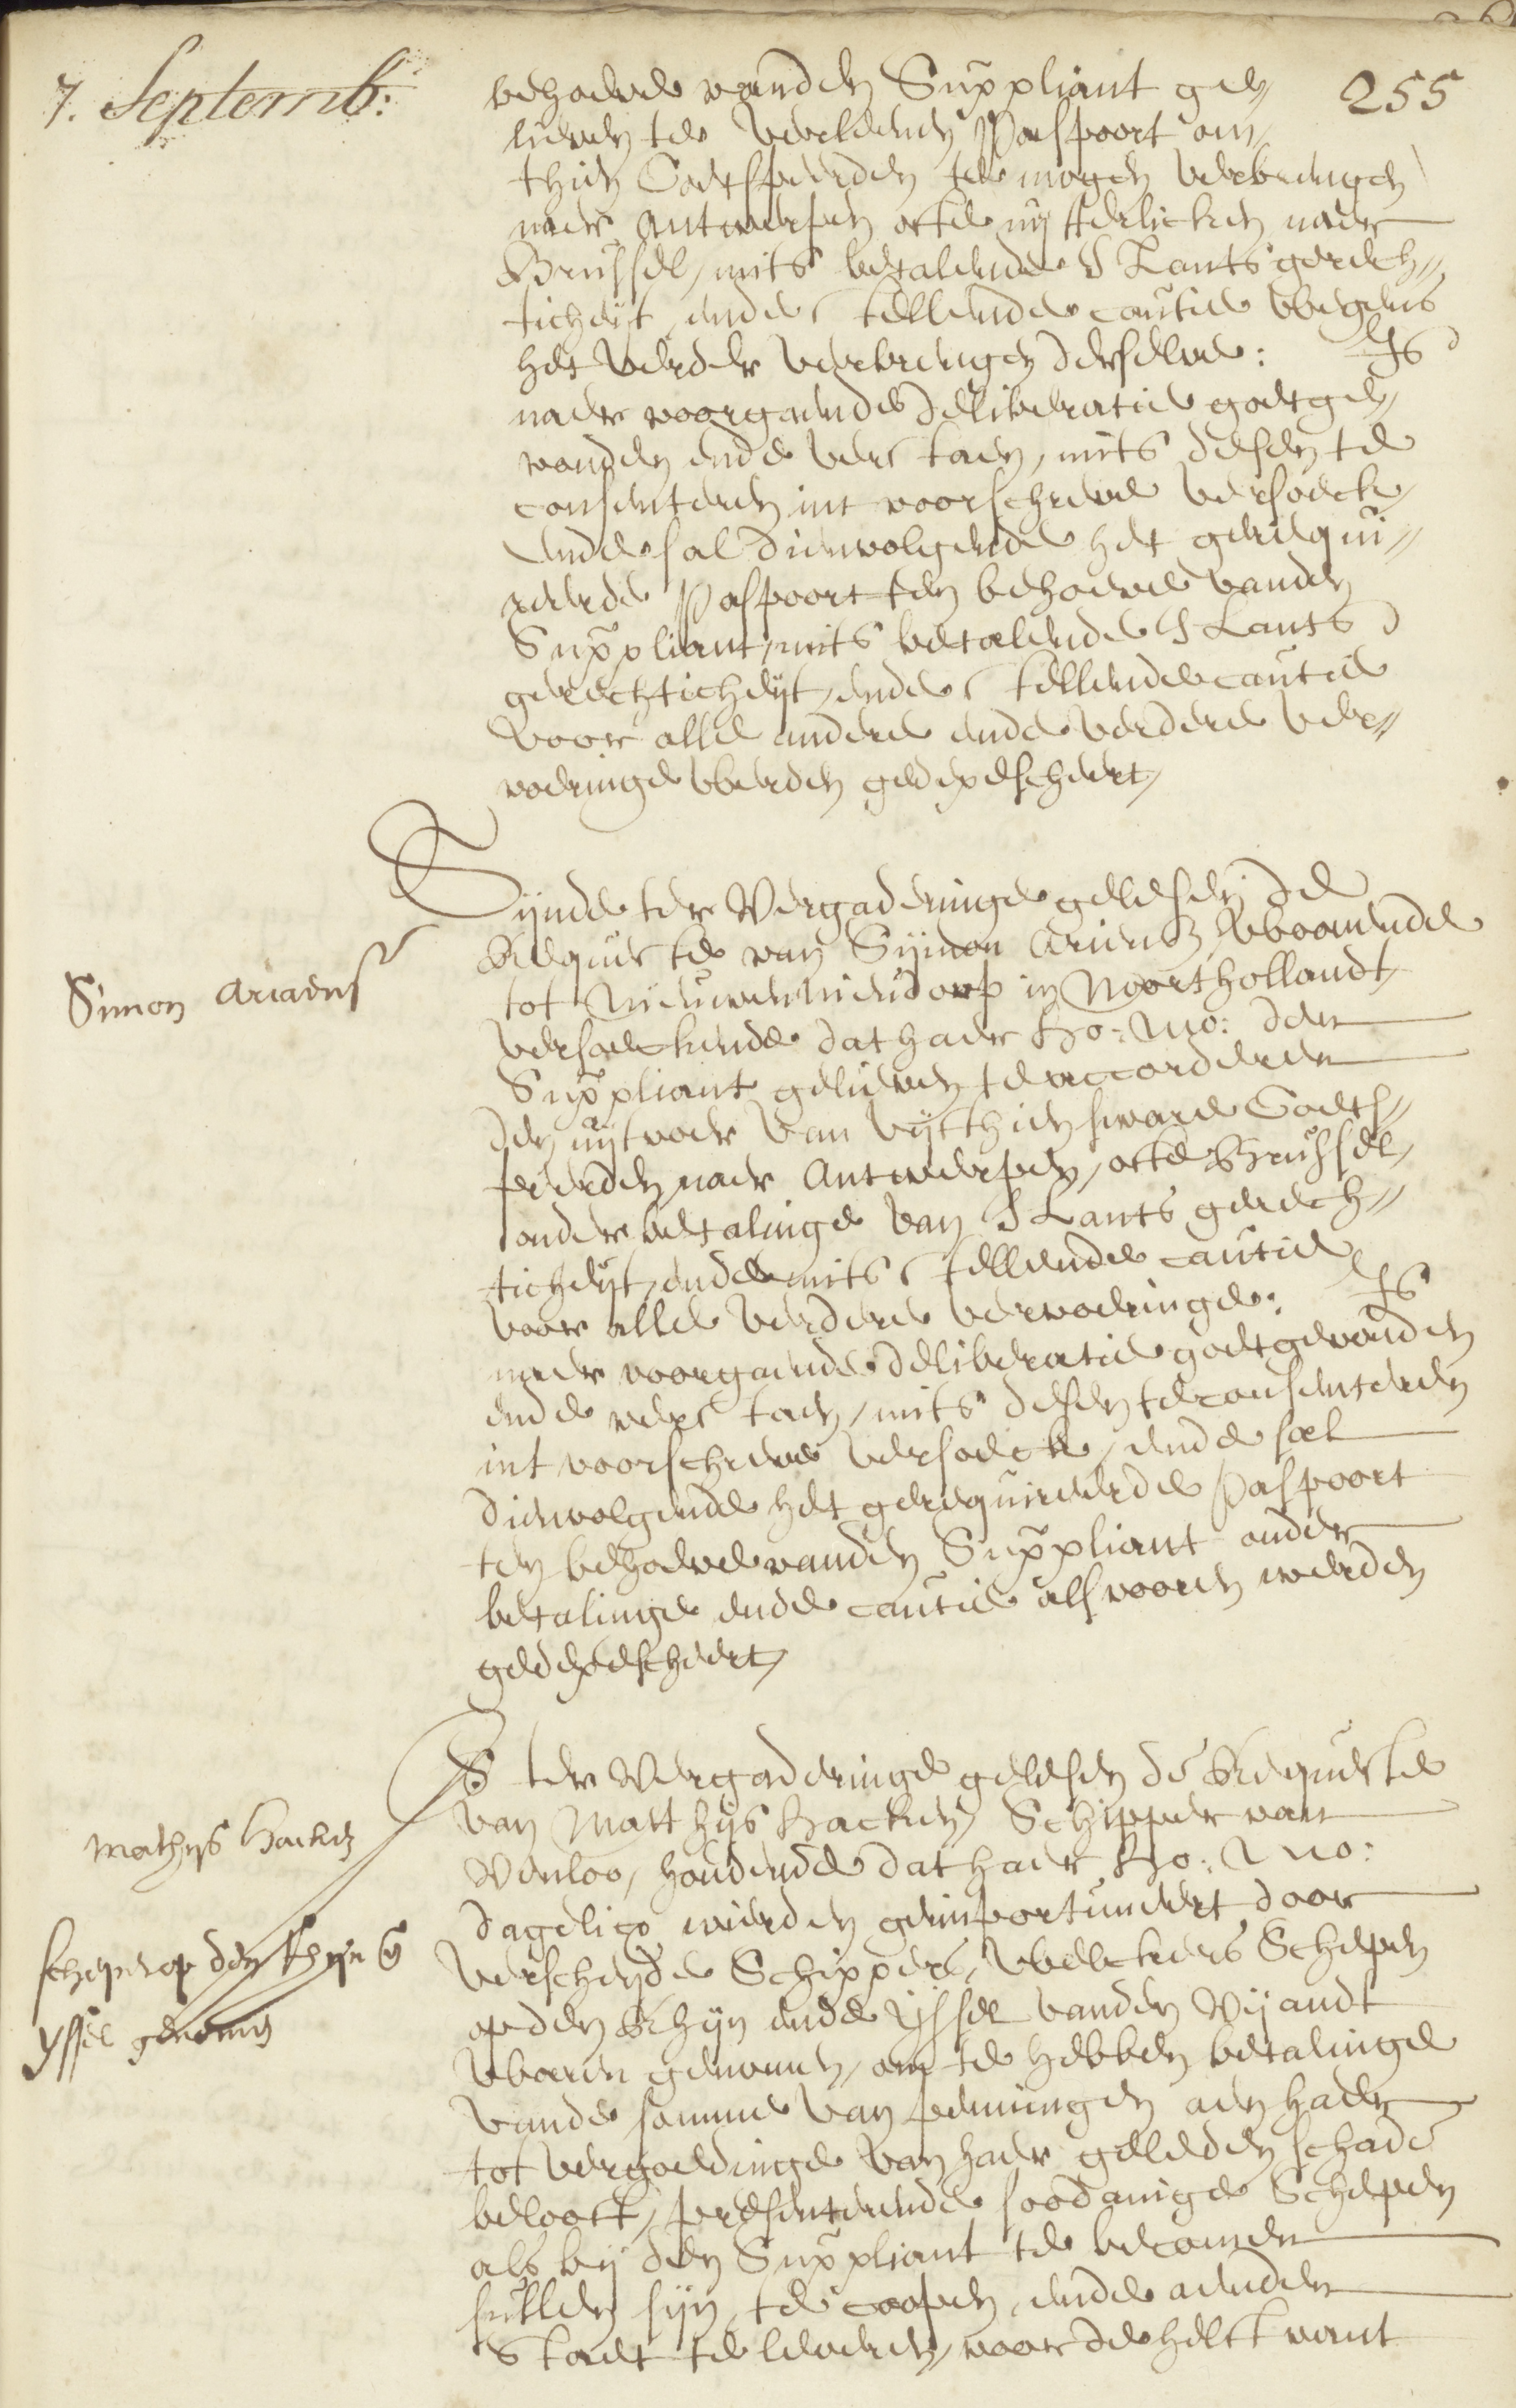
255
7. Septemb:
behoeve vanden Suppliant ge,,
lieven te verleenen paspoort om,
thien Coetspeerden te mogen verbrengen
naer Antwerpen ofte uijtterlicken naer
Brussel, mits betalende 's Lants gerech,,
ticheijt, ende stellende cautie wegens
het verder verbrengen derselve: Is
naer voorgaende deliberatie goetge,,
vonden ende verstaen, mits desen te
consenteren int voorschreve versoeck
ende sal dienvolgende het gerequi,,
reerde Paspoort ten behoeve vanden
Suppliant, mits betalende 's Lants
gerechticheijt, ende stellende cautie
voor alle andere ende verdere ver„
voeringe werden gedepescheert.
Simon Ariaens
Sijnde ter vergaderinge gelesen de
Requeste van Sijmon Ariens, woonende
tot nieuwen nieudorp in Noorthollandt,
versoeckende dat haer Ho:Mo: den
Suppliant gelieven te accorderen
der uijtvoer van vijfthien sware Coets,,
peerden naer Antwerpen, ofte Brussel,
onder betalinge van ‛s Lants gerech,,
ticheijt, ende mits stellende cantie
voor alle verdere vervoeringe: Is
naer voorgaende deliberatie goetgevonden
ende verstaen, mits desen te consenteren
int voorschreve versoeck, ende sal
dienvolgende het gerequireerde Paspoort
ten behoeve vanden Suppliant onder
betalinge ende cautie alsvooren werden
gedepescheert.
Mathys Hacken
schepen op den Rhijn &
Yssel genomen
Is ter Vergaderinge gelesen de Requeste
van Matthijs Hacken, Schipper van
Venloo, houdende dat haer Ho:Mo:
dagelicx wierden geinportuneert door
verscheijde Schippers welckers Schepen
op den Rhijn ende IJssel vanden Vijandt
waren genomen, om te hebben betalinge
vande somme van penningen aen haer
tot vergoedinge van haer geleden schade
belooft, presenterende soodanige schepen
als bij den Suppliant te becomen
sullen sijn te coopen, ende aenden
staet te leveren, voor de helft vant
